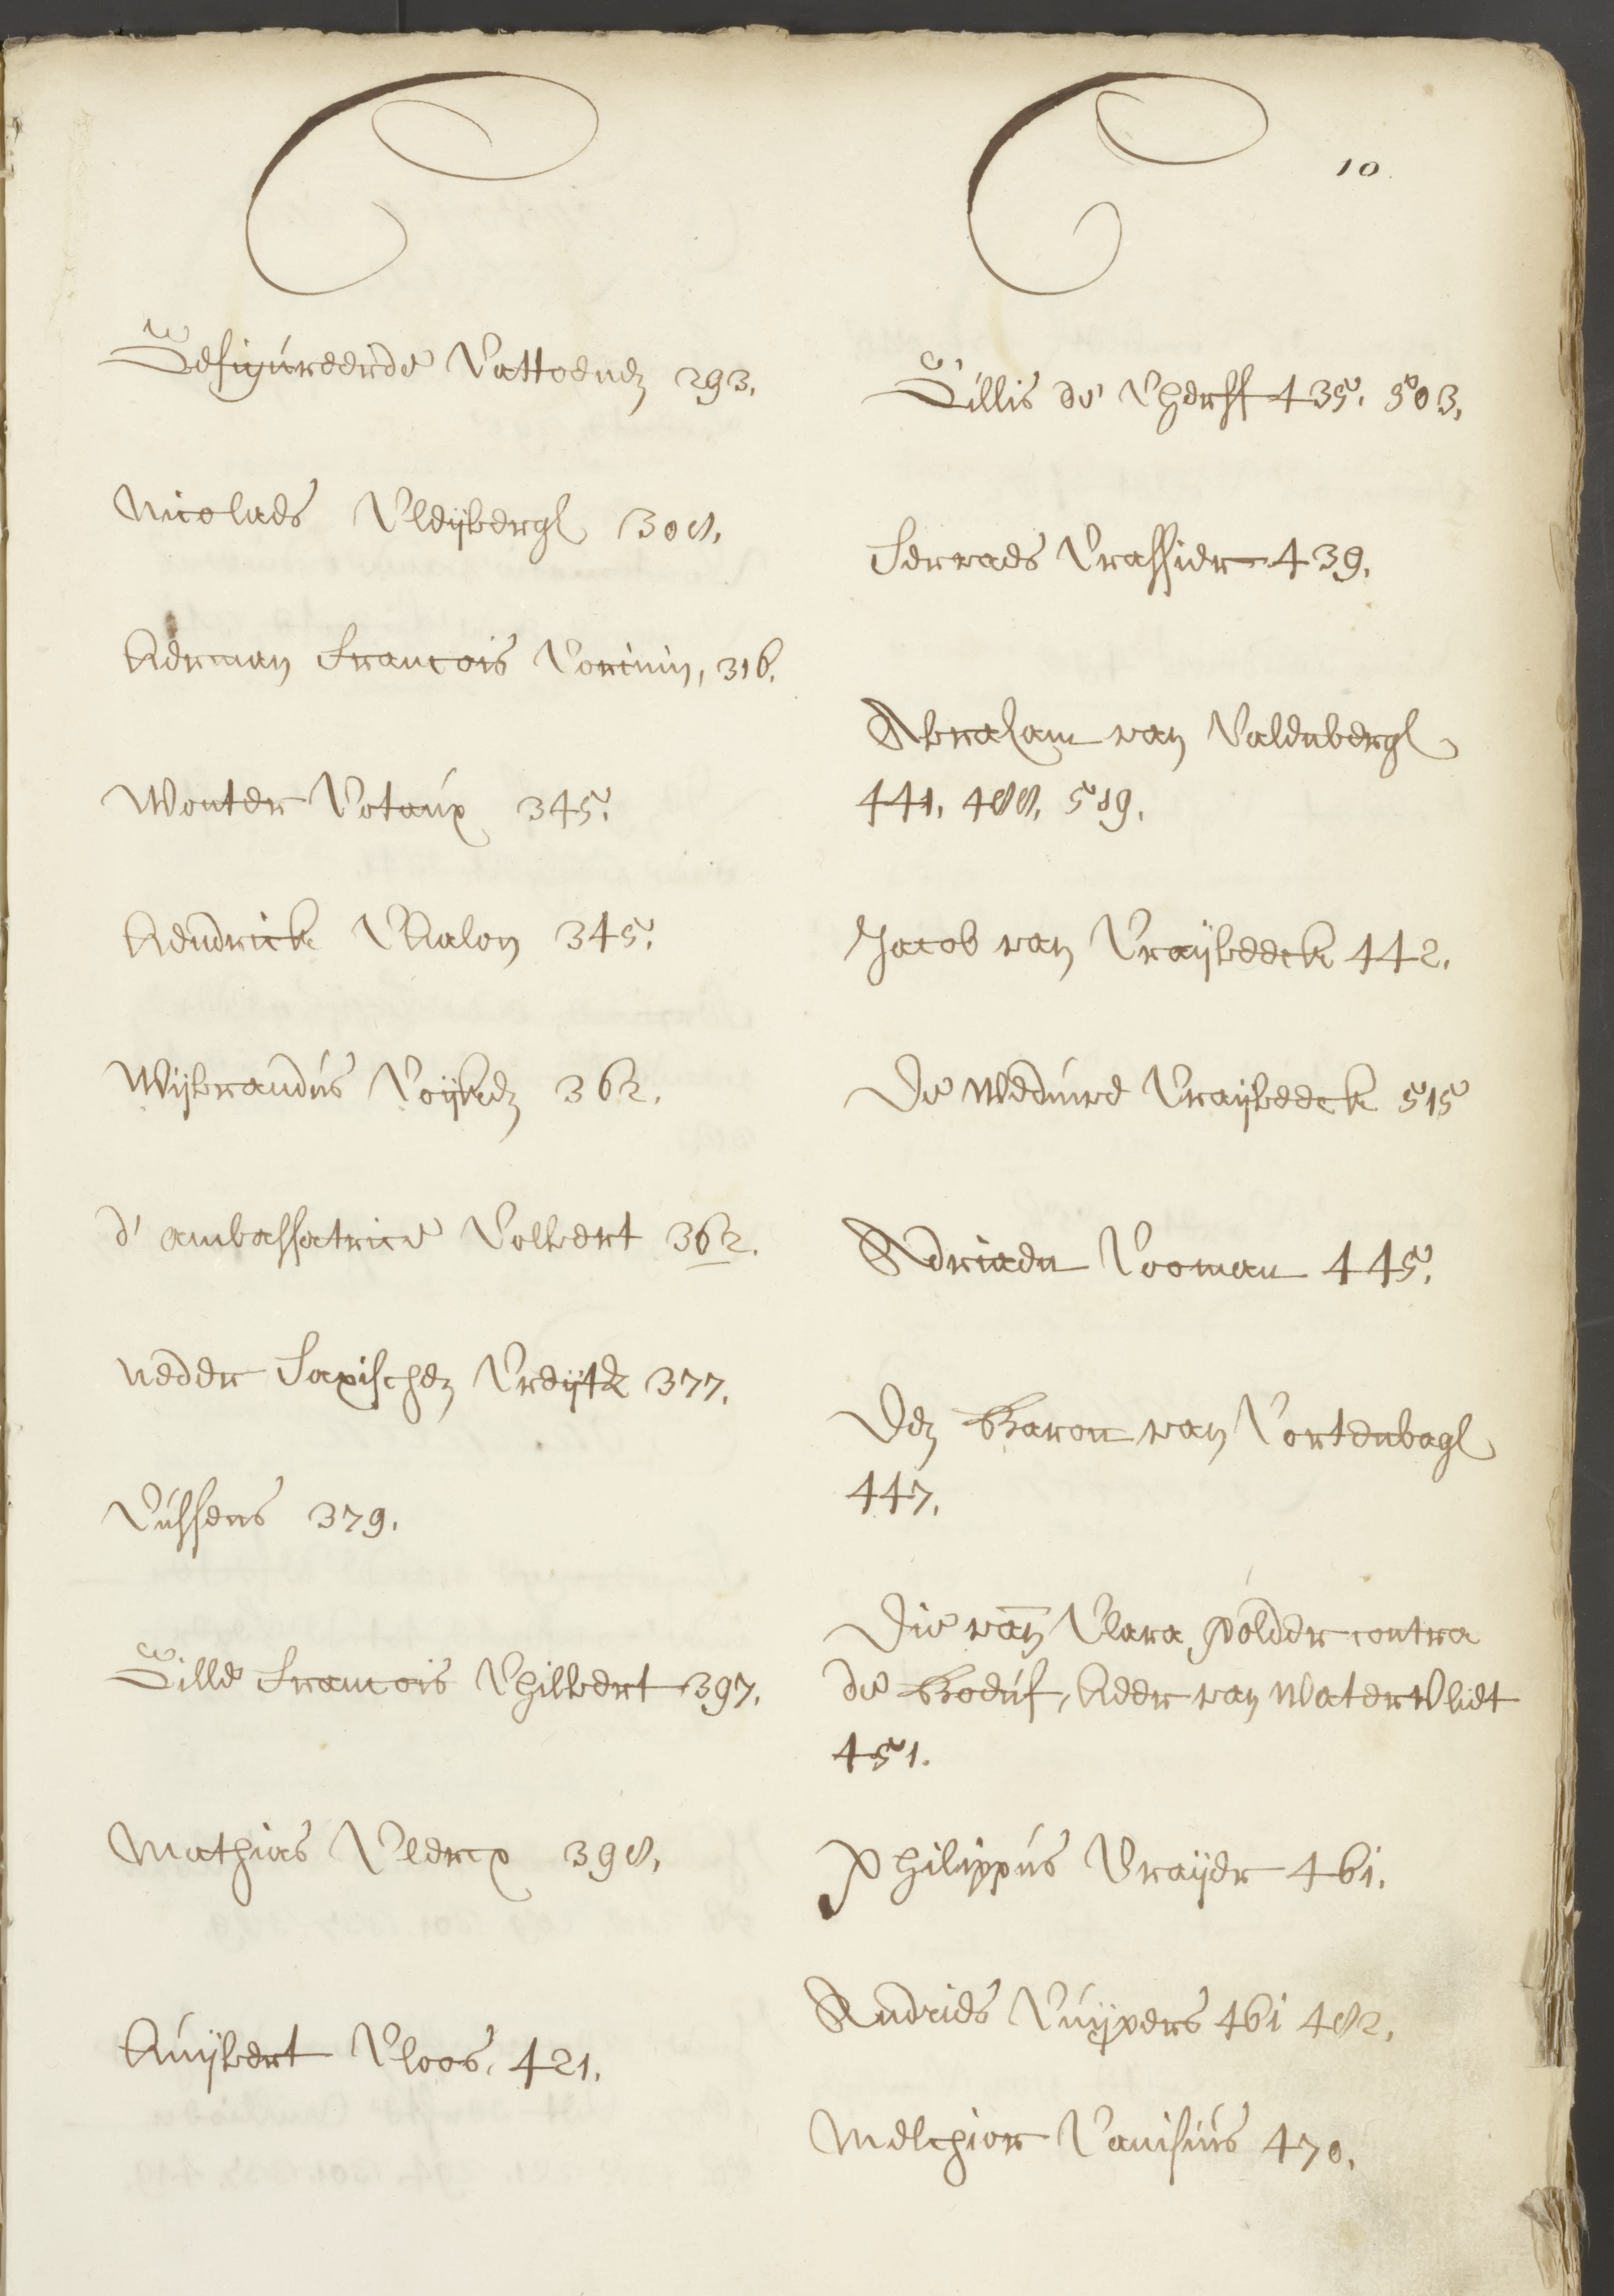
C
Gefigureerde Cattoenen 293.
Nicolaes Cleijbergh 308.
Herman Francois Corinus, 316
Wouter Cotaux, 345.
Hendrick Chalon, 345.
Wijbrandus Coijker 362.
d'ambassatrice Colbert, 362.
neder Saxischen Creijtz, 377.
Cussens 379.
Gille Francois Chilbert 397.
Mathias Clercx 398.
Huijbert Cloos, 421.
10.
C
Gillis de Cherff 435, 503.
Servaes Crassier 439.
Abraham van Calenbergh
441, 488, 509.
Jacob van Craijbeeck 442.
De Weduwe Craijbeeck 515
Adriaen Cooman 445.
Den Baron van Cortenbagh
447.
Die van Clara Polder contra
de Boeuf, heer van van Watervliet
451.
Philippus Craijer 461.
Andries Cuijpers 461 482.
Melchior Canisius 470.
